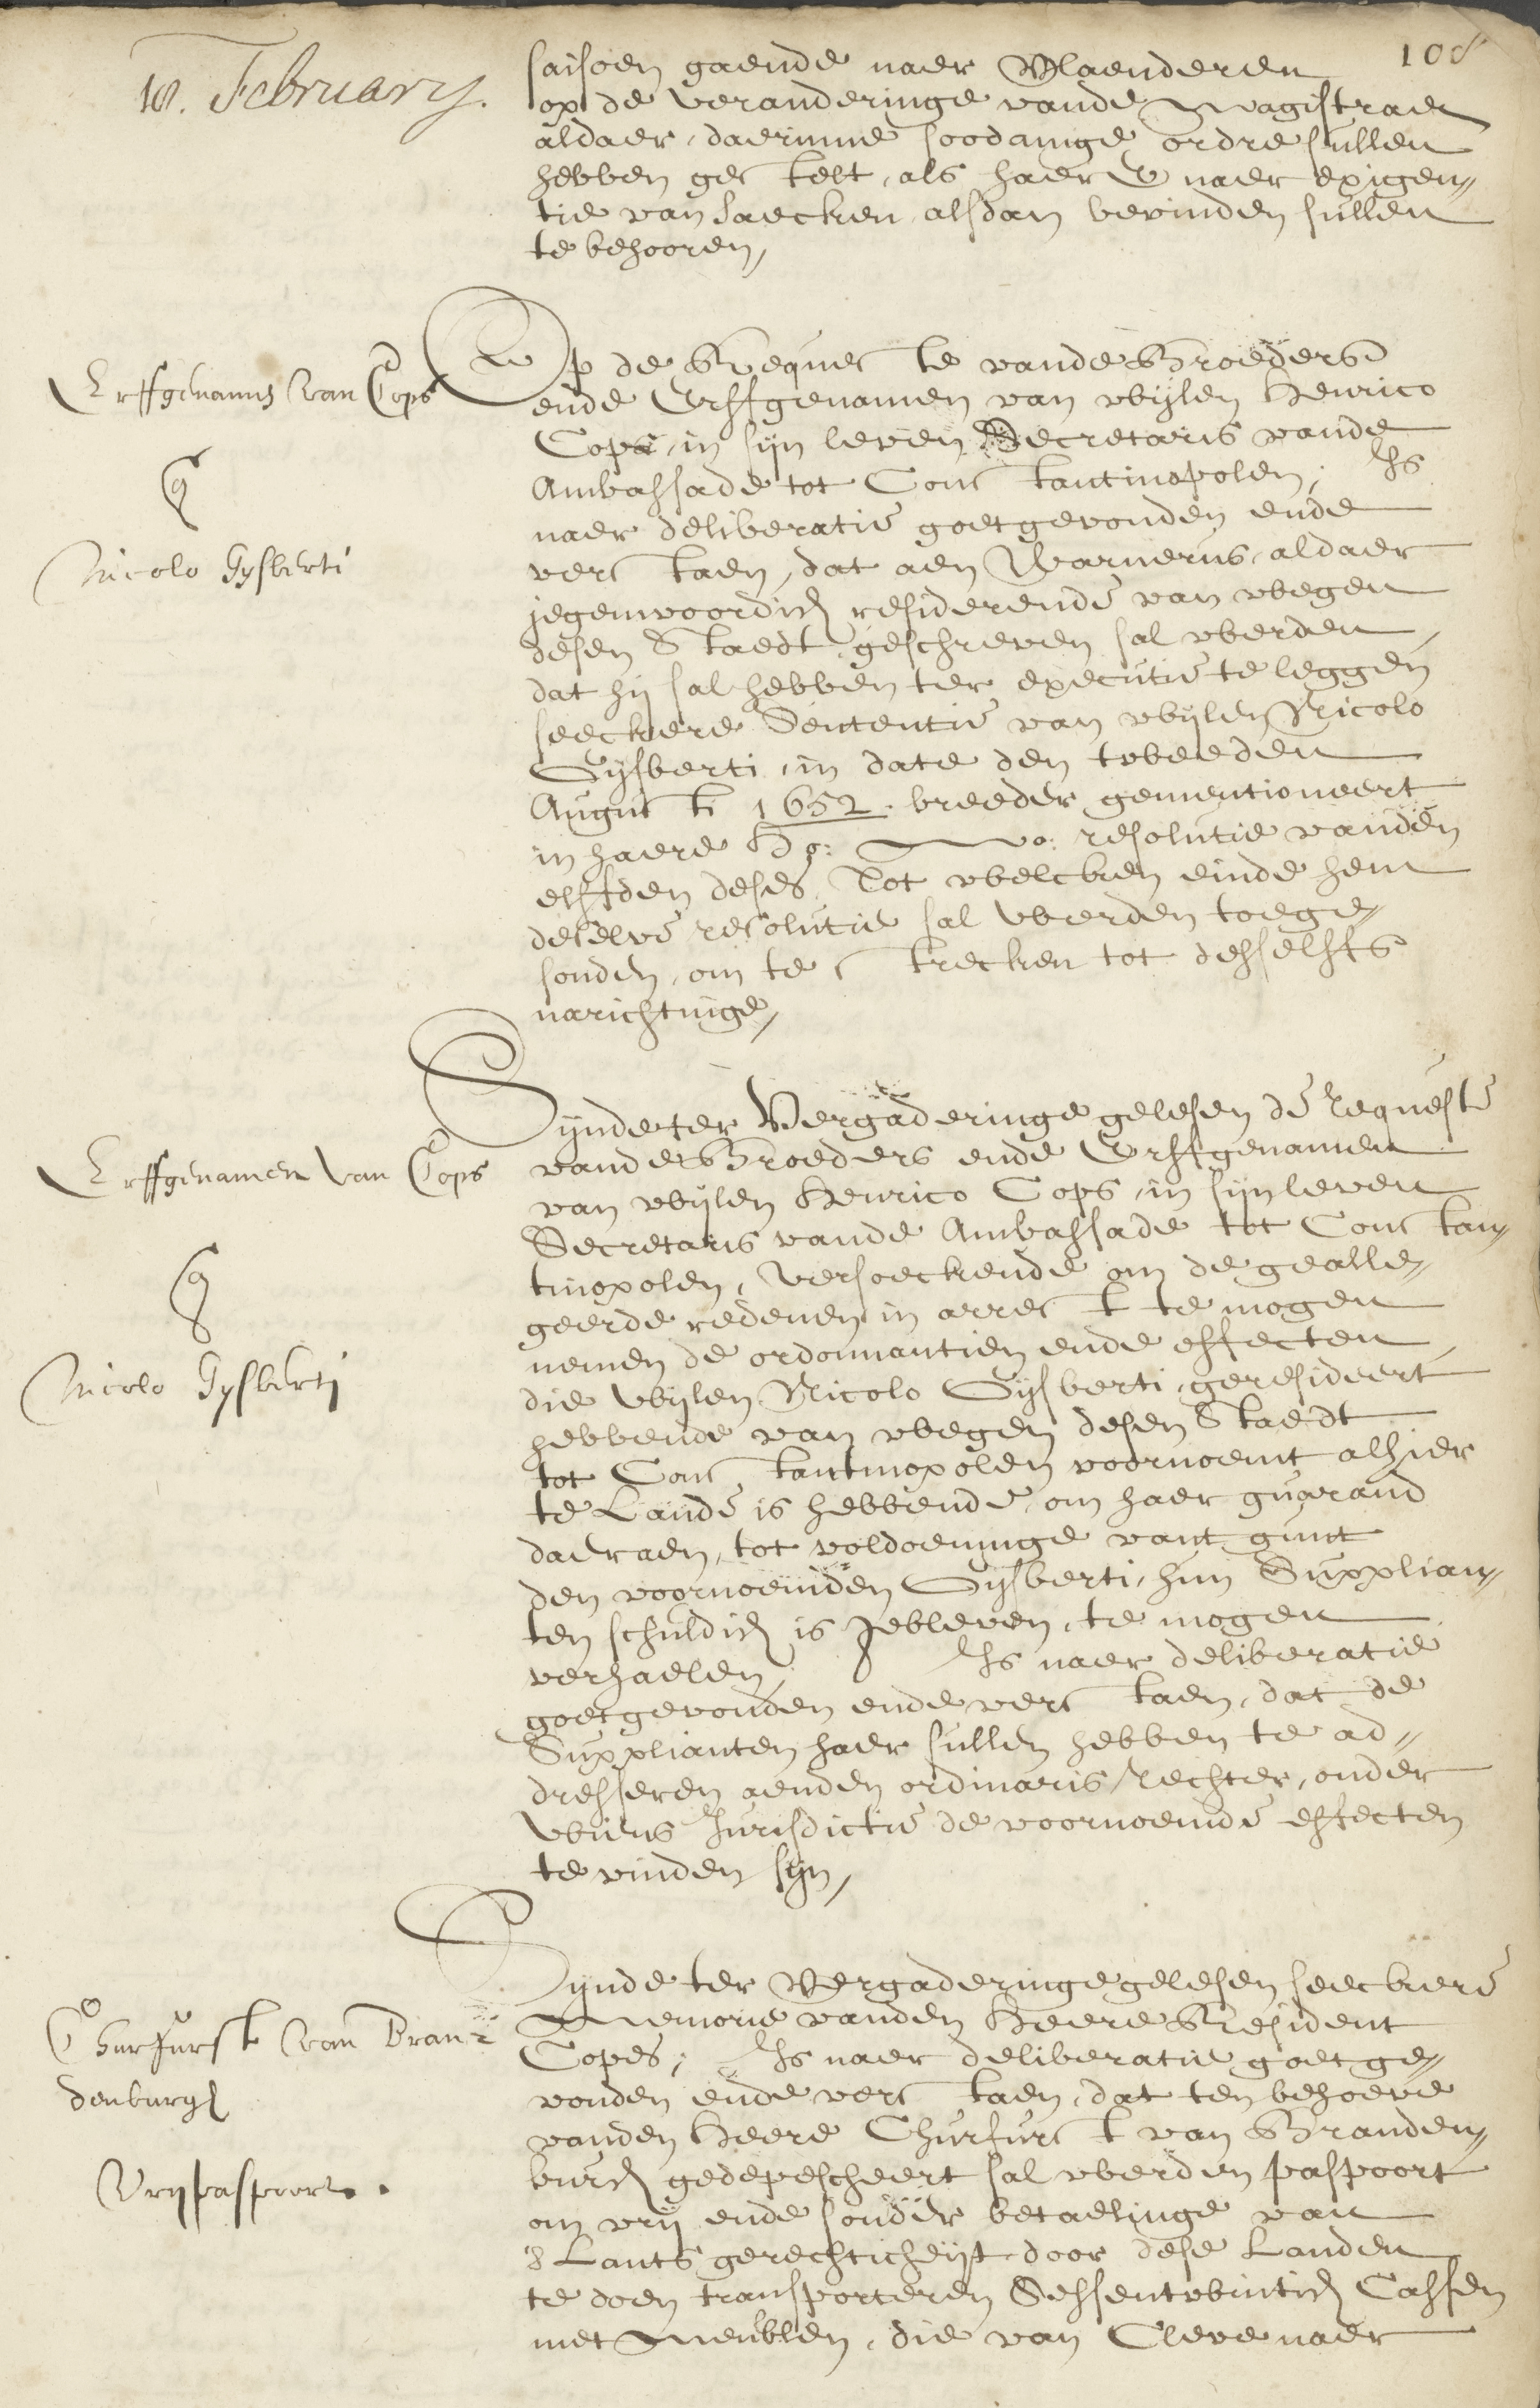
108
18. February.
saisoen gaende naer Vlaenderen
op de veranderinge vande Magistraet
aldaer, daerinne soodanige ordre sullen
hebben gestelt, als haer E naer exigen„
tie van Saecken alsdan bevinden sullen
te behooren.
Erffgenamen van Cops
ca
Nicolo Gysberti
Op de Requeste vande Broeders
ende Erffgenamen van wijlen Henrico
Cops, in sijn leven Secretaris vande
Ambassade tot Constantinopolen; Is
naer deliberatie goetgevonden ende
verstaen, dat aen Warnerus, aldaer
jegenwoordich residerende van wegen
desen Staedt geschreven sal werden,
dat hij sal hebben ter executie te leggen
seeckere Sententie van wijlen Nicolo
Gijsberti, in date den tweeden
Augusti 1652, breeder gementioneert
in haere Ho:Mo: resolutie vanden
elffden deses, Tot welcken einde hem
deselve resolutie sal werden toege„
sonden, om te strecken tot desselffs
narichtinge.
Erffgenamen van Cops
ca
Nicolo Gysberti
Sijnde ter Vergaderinge gelesen de Requeste
vande Broeders ende Effgenamen
van wijlen Henrico Cops, in sijn leven
Secretaris vande Ambassade tot Constan„
tinopolen, versoeckende om de gealle„
geerde redenen in arrest te mogen
nemen de ordonnantien ende effecten
die wijlen Nicolo Gijsberti, geresideert
hebbende van wegen desen Staedt
tot Constantinopolen voornoemt alhier
te Lande is hebbende, om haer guarand
daeraen, tot voldoeninge vant gunt
den voornoemden Gijsberti, hun Supplian„
ten schuldich is gebleven, te mogen
verhaelen, Is naer deliberatie
goetgevonden ende verstaen, dat de
Supplianten haer sullen hebben te ad„
dresseren aenden ordinaris Rechter, onder
wiens Jurisdictie de voornoemde effecten
te vinden sijn.
Churfurst van Bran„
denburgh
Vry paspoort.
Sijnde ter Vergaderinge gelesen seeckere
Memorie vanden Heere Resident
Copes; Is naer deliberatie goetge„
vonden ende verstaen, dat ten behoeve
vanden Heere Churfurst van Branden„
burch gedepescheert sal werden paspoort
om vrij ende sonder betaelinge van
‛s Lants gerechticheijt door dese Landen
te doen transporteren Sessentwintich Cassen
met Meublen, die van Cleve naer
